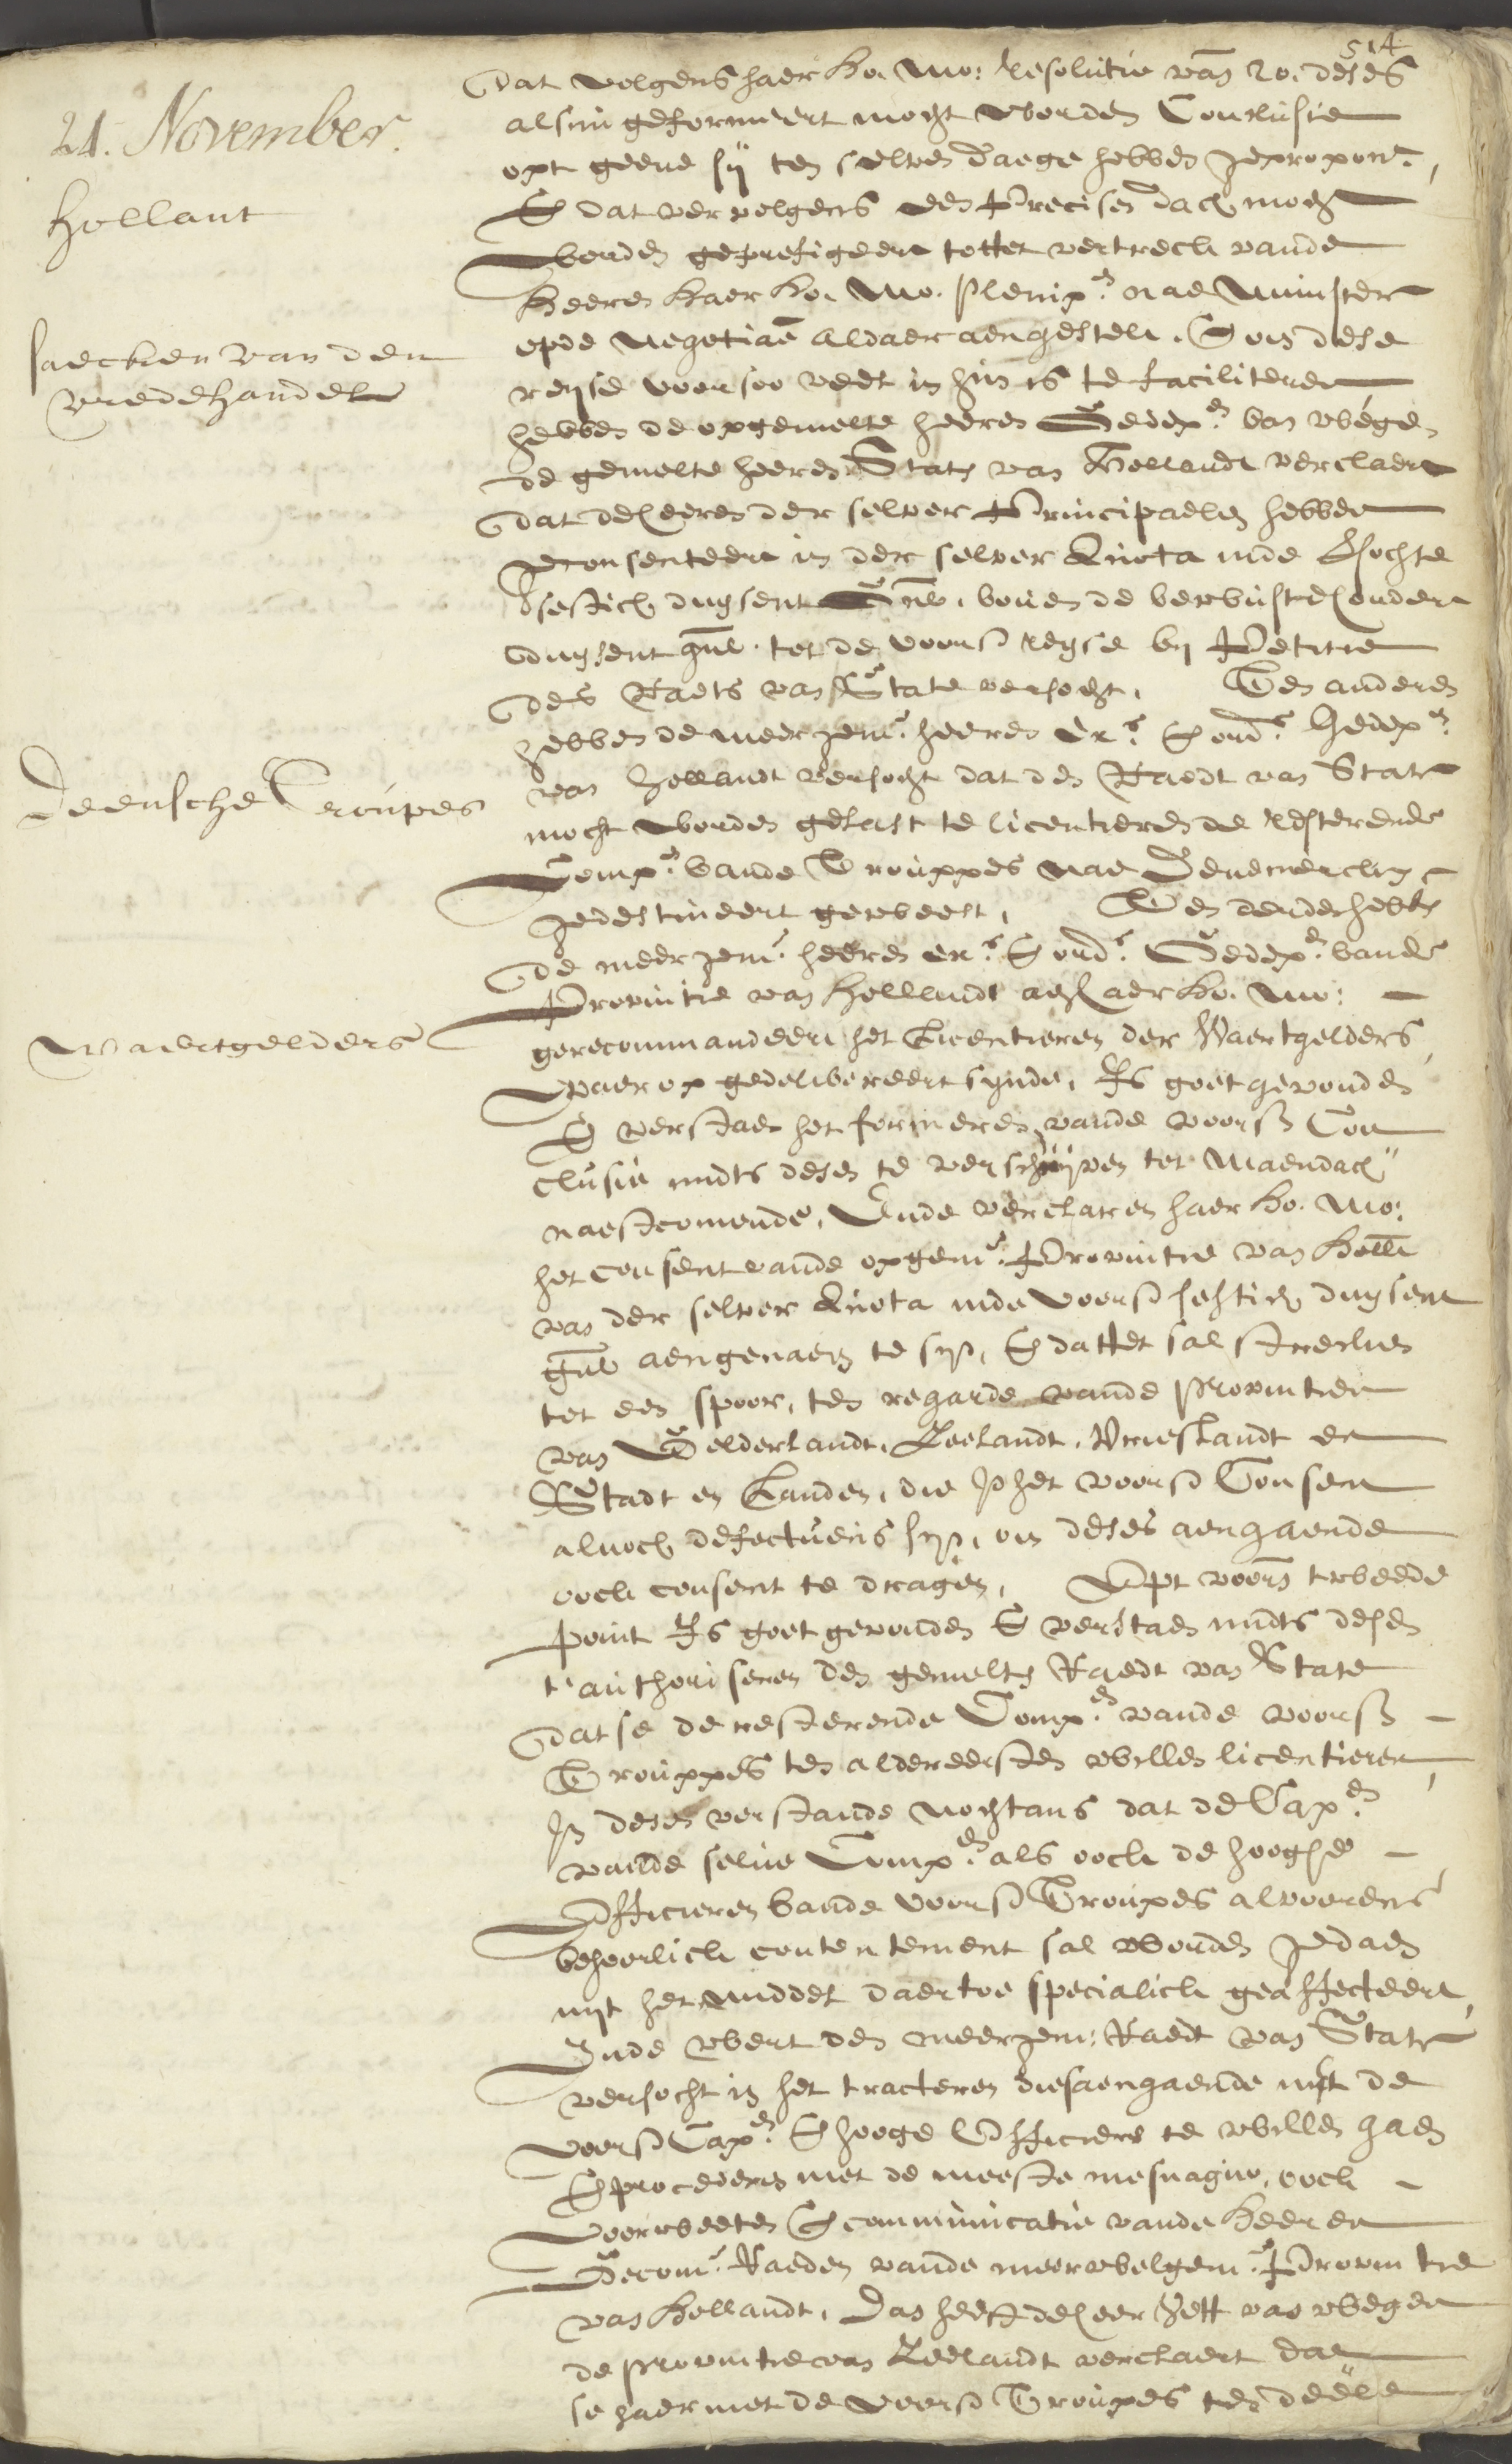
514
24. November.
Hollant
Saecken van den
vredehandel
Deensche Troupes
Waertgelders
dat volgens haer Ho:Mo: resolutie van 20. deses
alsnu geformeert mocht worden Conclusie
opt geene sij ten selven daege hebben gepropont.
& dat vervolgens een Precisen dach mocht
worden geprefigeert tottet vertreck vande
Heeren Haer Ho:Mo: Plenipen. nae Munster
opde negotiae aldaer aengestelt. & om dese
reyse voor soo veel in hun is te faciliteren
hebben de opgemelte heeren Gedepen. van wegen
de gemelte heeren Staten van Hollandt verclaert
dat de heeren der selver Principaelen hebben
geconsenteert in der selver Quota inde Vsochte
sestich duysent gul. bouen de bewuste hondert
duysent gul. tot de voors reyse by Petitie
des Raets van State versocht. Ten anderen
hebben de meer geme. heeren Exs. & ordr. Gedepen.
van Hollandt versocht dat den Raedt van State
mocht worden gelast te licentieren de resterende
Compen. vande Trouppes nae Denemercken
gedestineert geweest. Ten derden hebben
de meer geme. heeren exs. & ords. Gedepen. vande
Provintie van Hollandt aen haer Ho:Mo: -
gerecommandeert het Licentieren der Waertgelders.
Waerop gedelibereert synde, Is goetgevonden
& verstaen het formeren vande voors Con„
clusie midts desen te verschuijven tot maendach
naestcomende, Ende verclaren haer Ho:Mo:
het consent vande opgeme. Provintie van Hollt
van der selver Quota inde voors sestich duysent
gul aengenaem te syn, & dattet sal strecken
tot een spoor, ten regarde vande provintien
van Gelderlandt, Zeelandt, Vrieslandt en
Stadt en Landen, die In het voors Consent
alnoch defectueus syn, om deses aengaende
oock consent te dragen. Opt voors tweede
point Is goet gevonden & verstaen midts desen
t'authoriseren den gemelten Raedt van State
datse de resterende Compen. vande voors
Trouppes ten aldereersten willen licentieren
In desen verstande nochtans dat de Capen.
vande selue Compen. als oock de hooghe
Officieren vande voors Troupes alvoorens
behoorlick contentement sal worden gedaen
uyt het middel daertoe specialick geaffecteert
Ende wert den meergem: Raedt van State
versocht in het tracteren diesaengaende uyt de
voors Capen. & hooge Officiere te willen gaen
& procederen met de meeste mesnagie, oock -
voorweeten & communicatie vande Heeren
Gecome. Raeden vande meerwelgeme. Provintie
van Hollandt. Dan heeft de heer Vett van wegen
de provintie van Zeelandt verclaert dat„
se haer met de voors Troupes ten deelen
